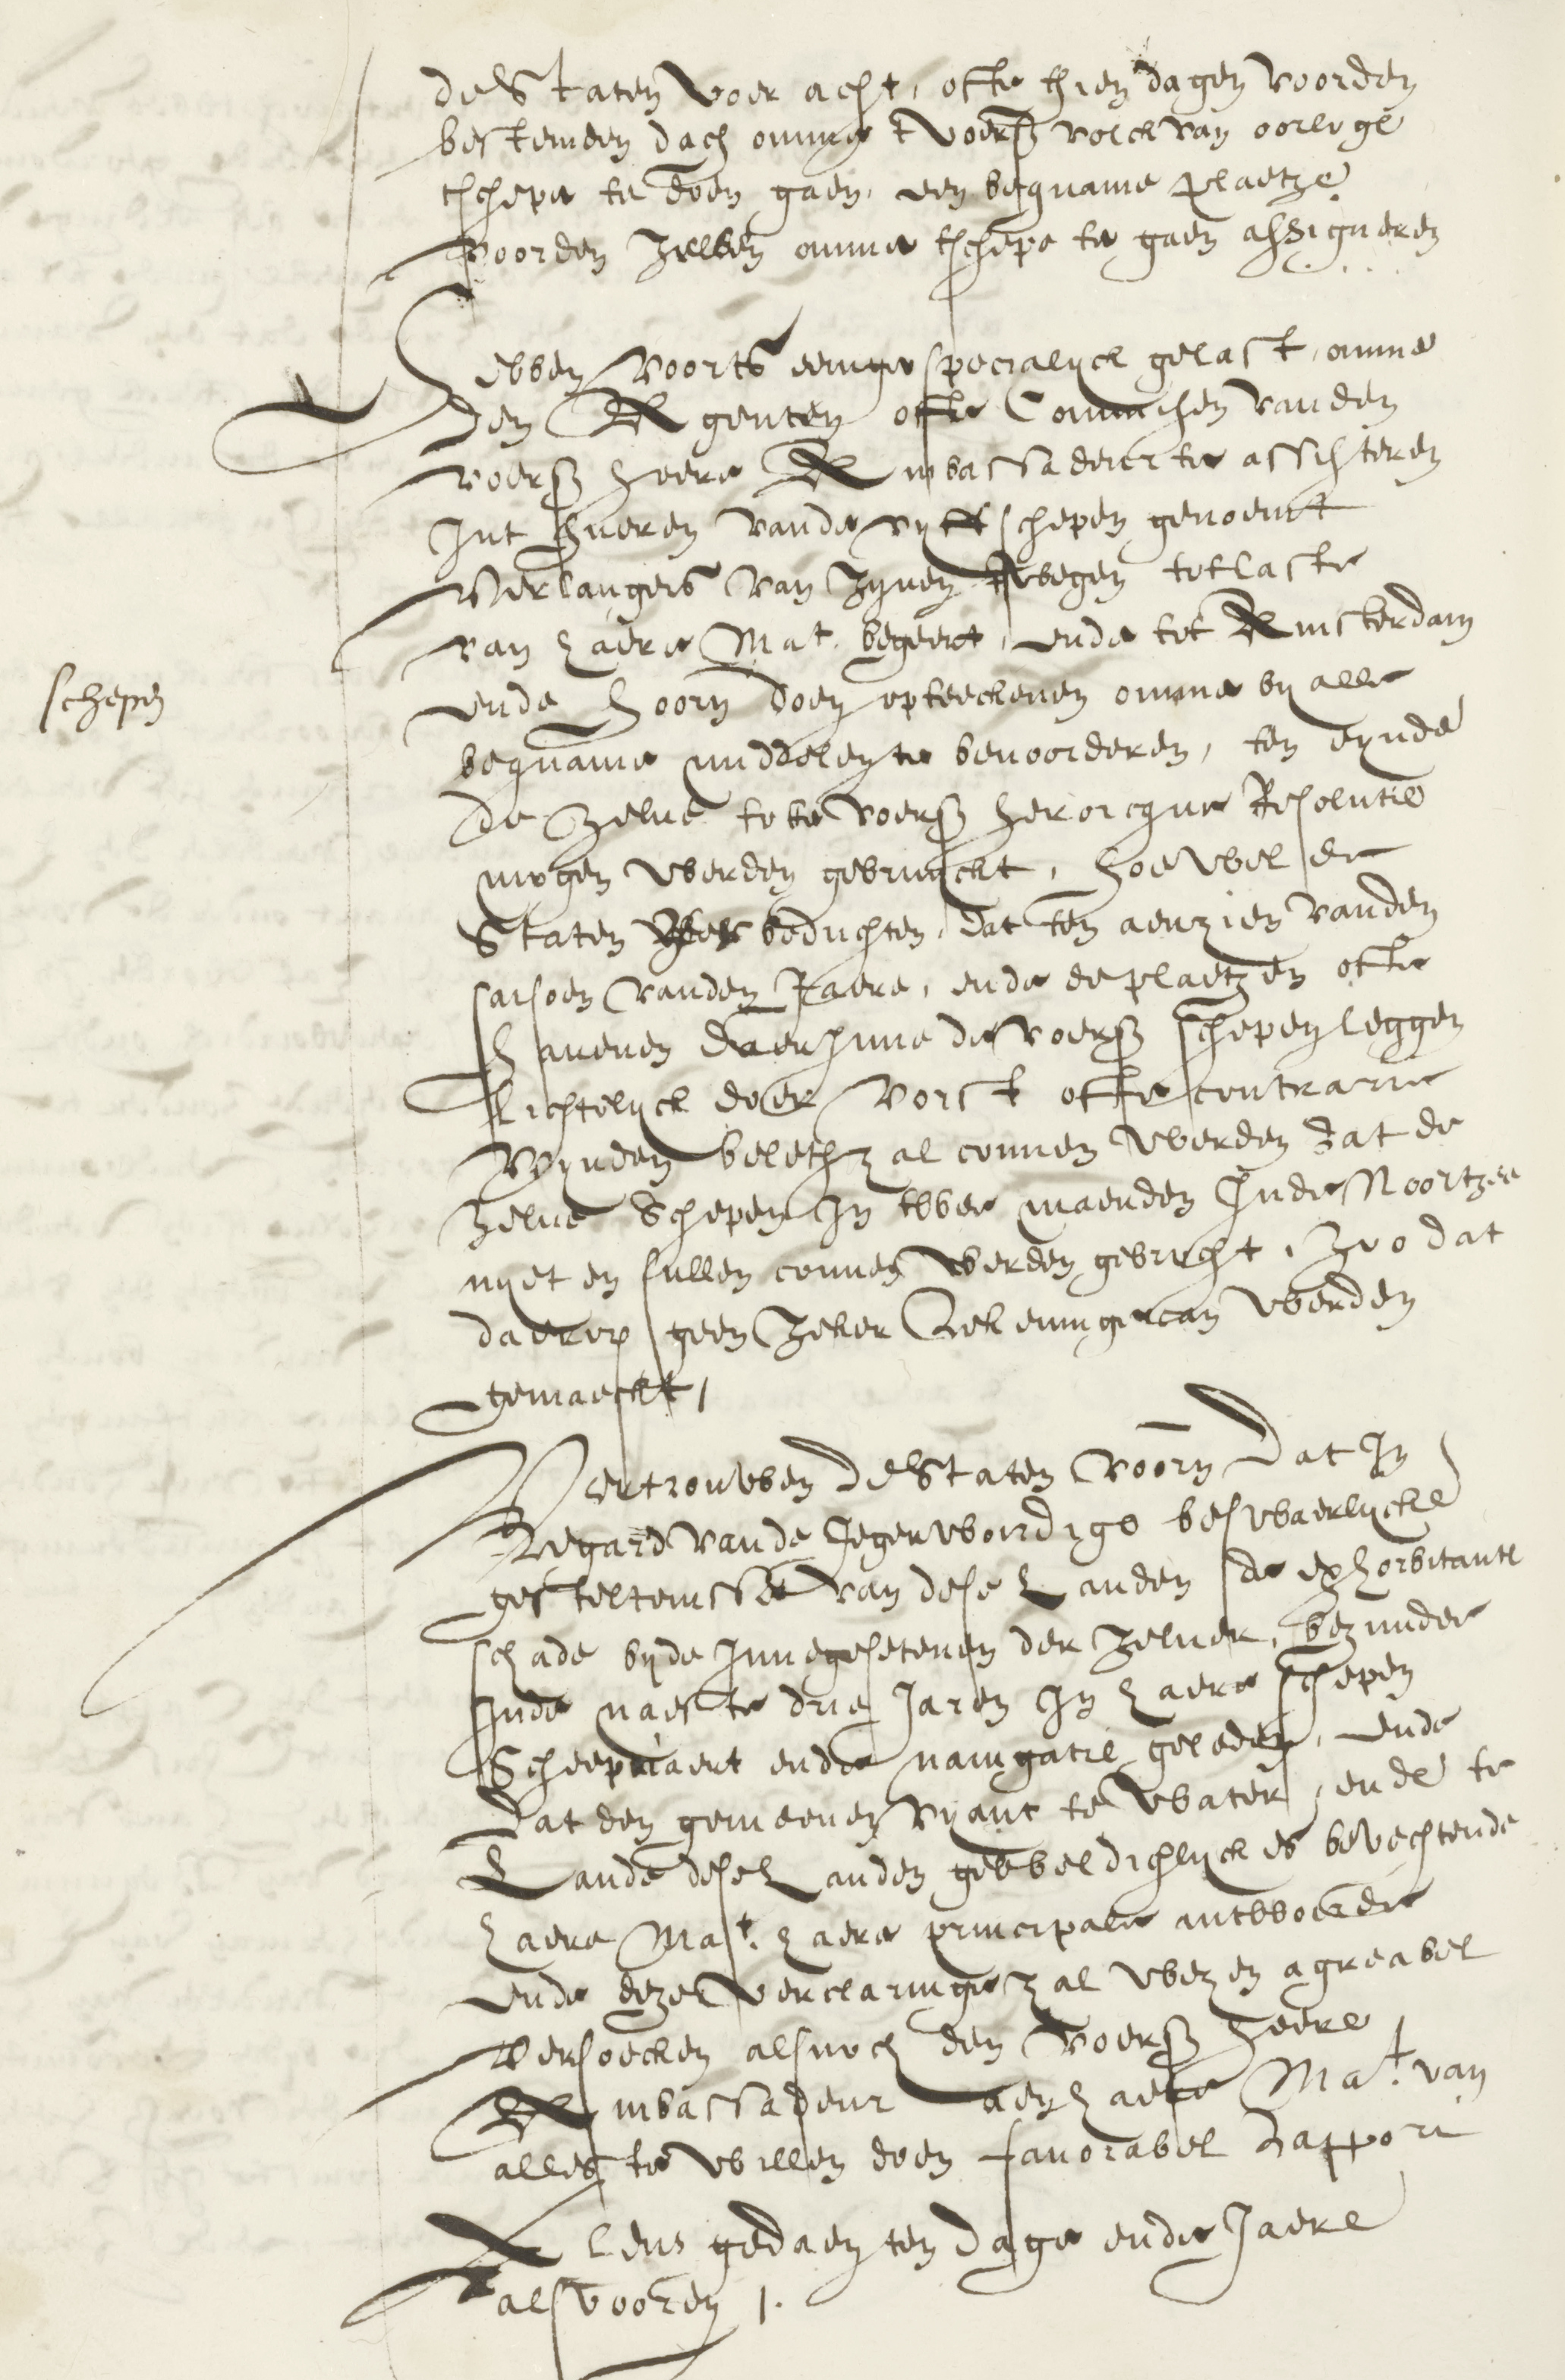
Schepen
de Staten voor acht ofte thien dagen voorden
bestemden dach omme t voers volck van oorlogh
tschepe te doen gaen, een bequame plaetze
voorden zelven omme tschepe te gaen assigneren.
Hebben voorts eenige specialyck gelast omme
den Agenten ofte Commisen van den
voers heere Ambassadeur te assisteren
int hueren vande vijff scepen genoemt
verlangers van zijnen twegen tot laste
van haere Mat begeert, ende tot Amsterdam
ende Hoorn doen opteeckenen omme bij alle
bequame middelen te bevoorderen, ten eynde
de zelve totte voers heroicque resolutie
mogen werden gebruyckt, hoewel de
Staten wel beduchten, dat ten aenzien van den
saisoen vanden jaere, ende de plaetzen ofte
havenen daerinne de voers schepen leggen
lichtelijck doer vorst ofte contrarie
wynden beleth zal connen werden dat de
zelve schepen in twee maenden inde Noortzee
nyet en sullen connen werden gebrecht, zoo dat
daerop geen zeker rekeninge can werden
gemaeckt.
Vetrouwen de Staten voorn dat in
regard van de jegenwoirdige beswaerlycke
gesteltenisse van dese Landen de exhorbitante
schade bijde innegesetenen der zeluer bezunder
inde naeste drie jaren in haere schepen
scheepvaert ende nauigatie geleden, ende
dat den gemeenen vyant te water, ende te
Lande dese Landen geweldiglyck es bevechtende
haere Mat haere principale antwoorde
ende deze verclaringe zal wezen agreabel
versoecken alsnoch den voers heere
Ambassadeur aen haere Mat van
alles te willen doen favorabel rapport.
Aldus gedaen ten dage ende jaere
als vooren.
